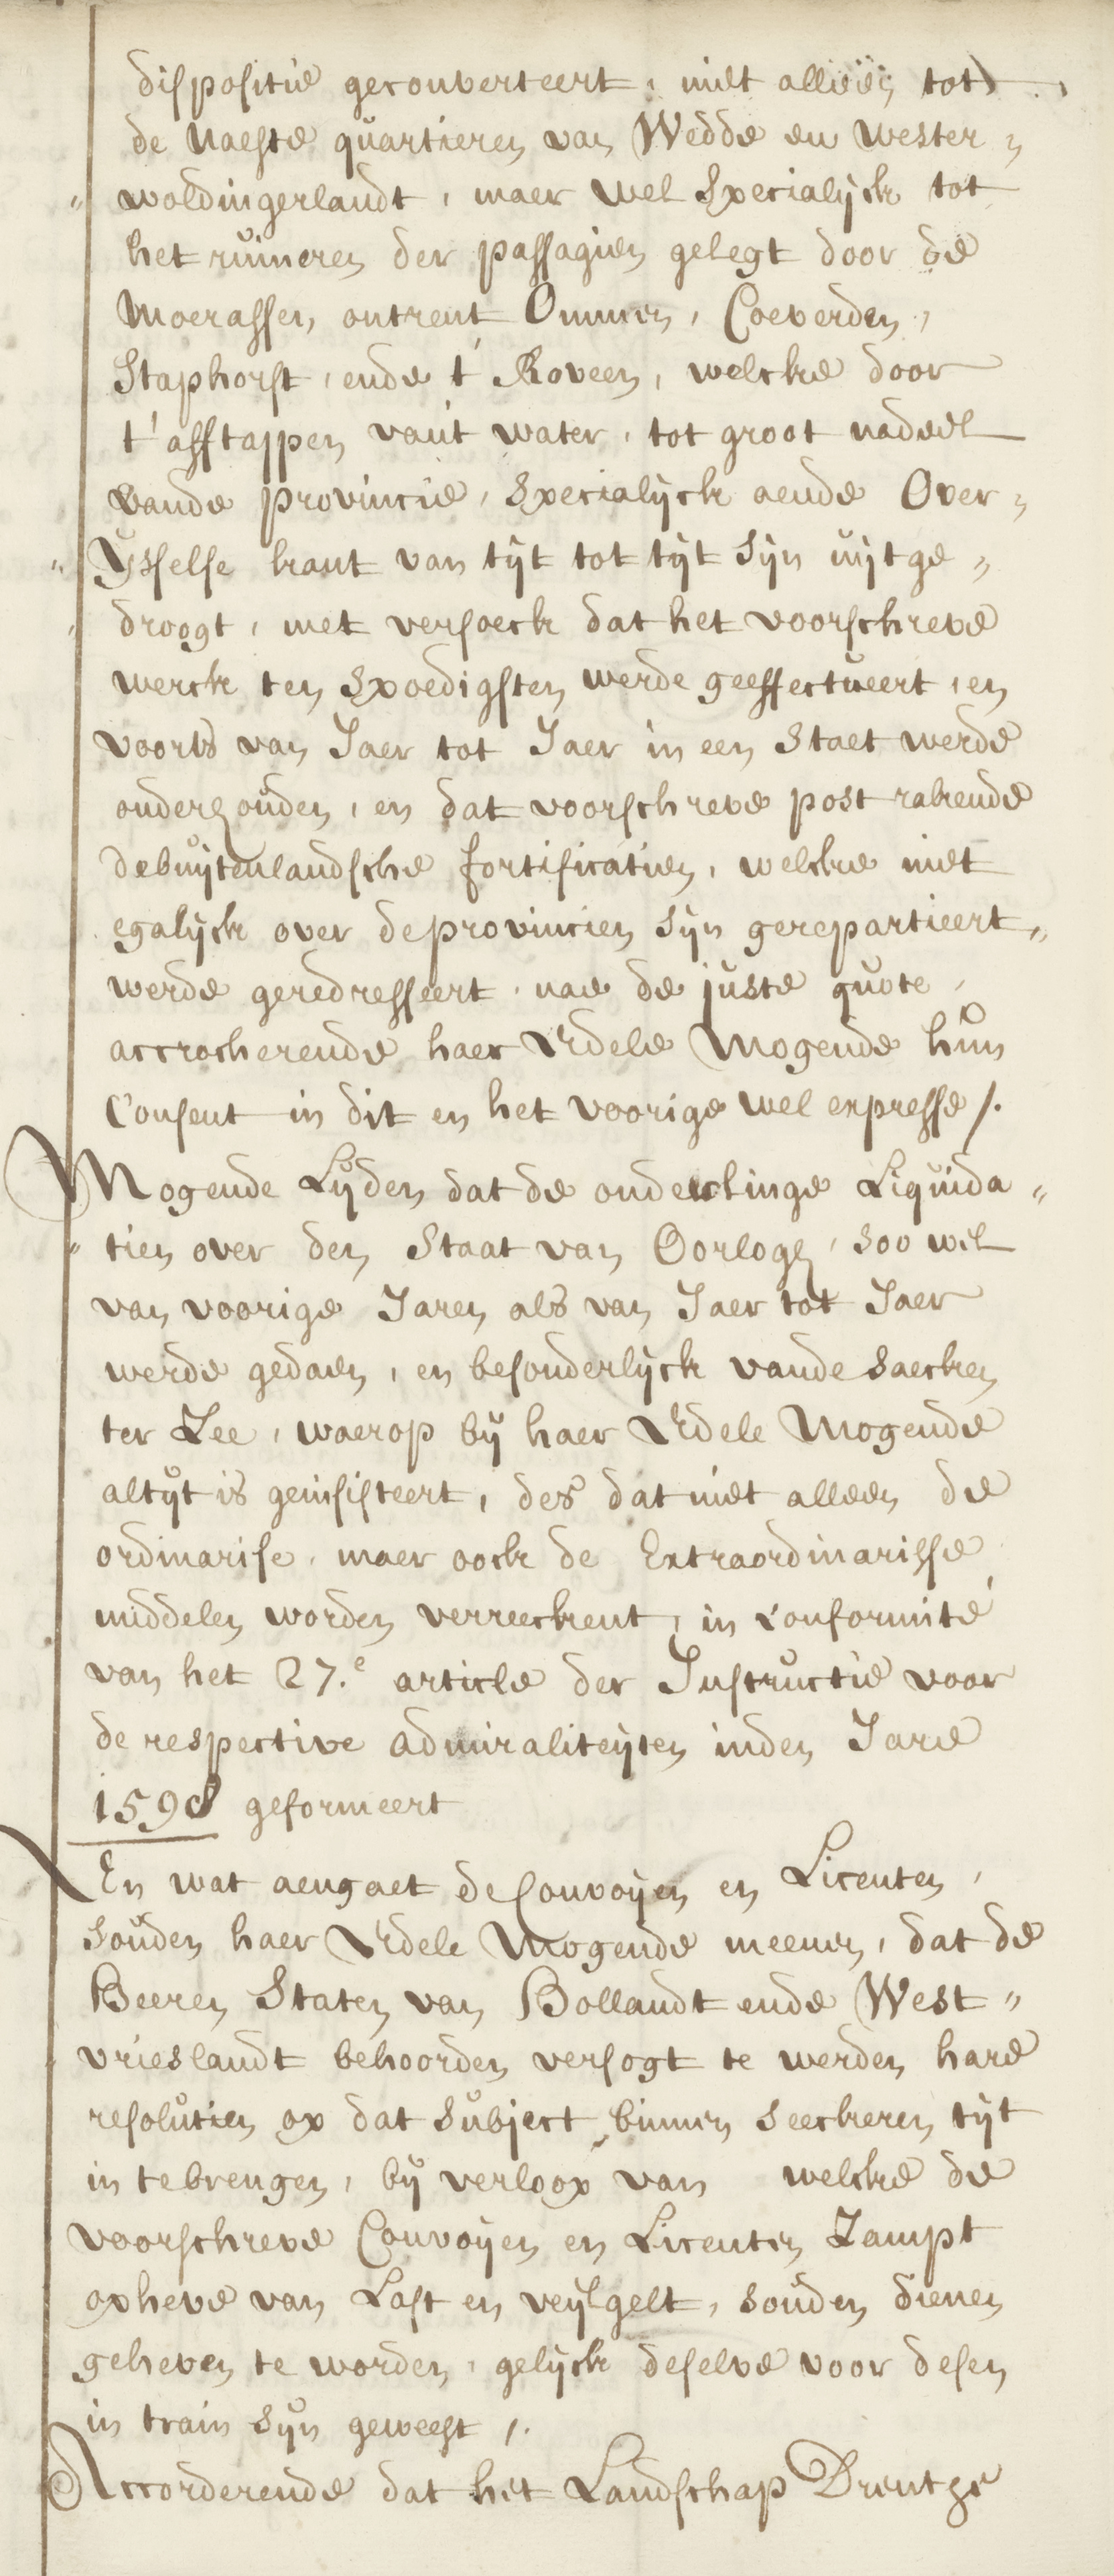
dispositie geconverteert; niet alleen tot
de naeste quartieren van Wedde en Wester„
„woldingerlandt, maer wel specialijck tot
het ruineren der passagien gelegt door de
moerassen ontrent Ommen, Coeverden,
Staphorst, ende t‛ Roveen, welcke door
t' afftappen vant water, tot groot nadeel
vande provincie, specialijck aende Over„
„IJsselse kant van tijt tot tijt sijn uijtge„
„droogt, met versoeck dat het voorschreve
werck ten spoedigsten werde geeffectueert, en
voorts van Jaer tot Jaer in een Staet werde
onderhouden, en dat voorschreve post rakende
de buijtenlandsche fortificatien, welcke niet
egalijck over de provincien sijn gerepartieert,
werde geredresseert, nae de juste quote,
accrocherende haer Edele Mogende hun
consent in dit en het voorige wel expresse.
Mogende Lijden dat de onderlinge Liquida„
„tien over den Staat van Oorloge, soo wel
van voorige Jaren als van Jaer tot Jaer
werde gedaen, en besonderlijck vande saecken
ter Zee, waerop bij haer Edele Mogende
altijt is geinsisteert, des dat niet alleen de
ordinarise, maer oock de Extraordinarisse
middelen worden verreeckent, in conformité
van het 27e. article der Instructie voor
de respective admiraliteijten inden Jare
1598 geformeert
En wat aengaet de Convoijen en Licenten,
souden haer Edele Mogende meenen, dat de
Heeren Staten van Hollandt ende West,,
„vrieslandt behoorden versogt te werden hare
resolutien op dat subject binnen seeckeren tijt
in te brengen, bij verloop van welcke de
voorschreve Convoijen en Licenten Zampt
opheve van Last en veijlgelt, souden dienen
geleven te worden, gelijck deselve voor desen
in train sijn geweest.
orderende dat het Landschap Drenthe
